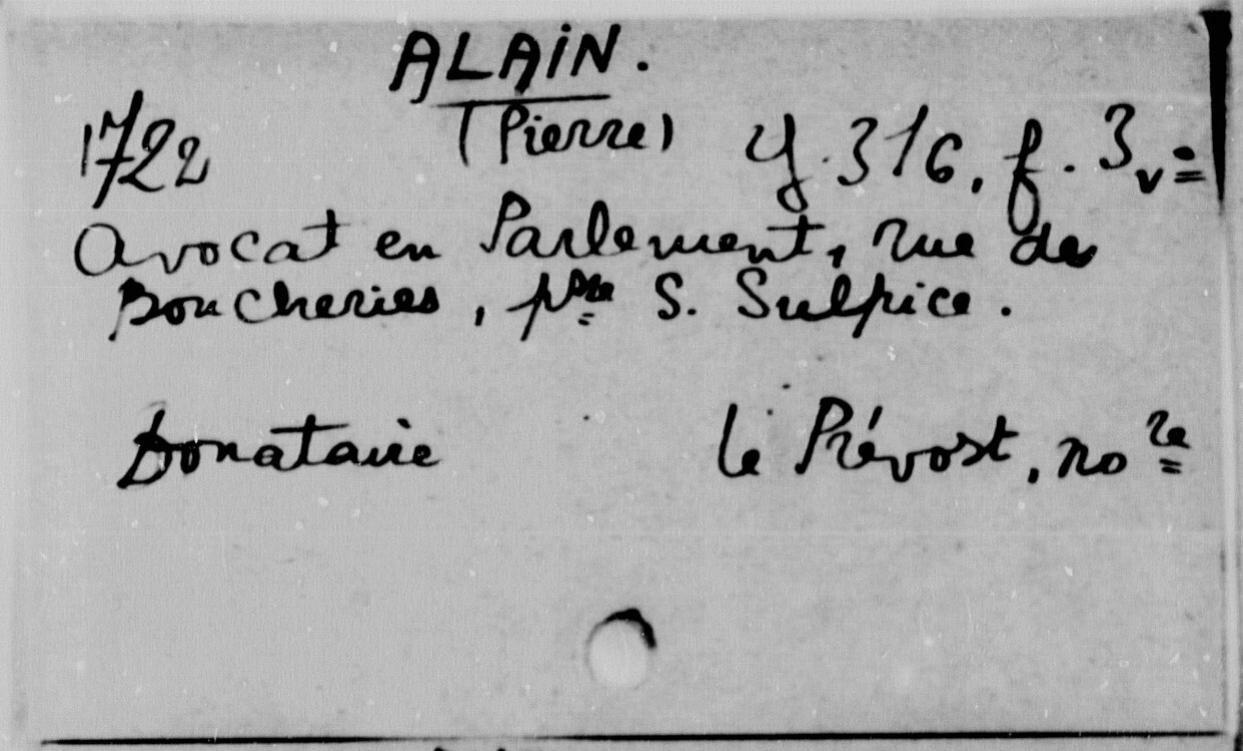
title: ALAIN (Pierre)
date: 1722
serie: Y
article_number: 316
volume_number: folio 3 verso
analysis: Avocat en Parlement, rue des Boucheries, paroisse Saint Sulpice Donataire Le Prévost, notaire
